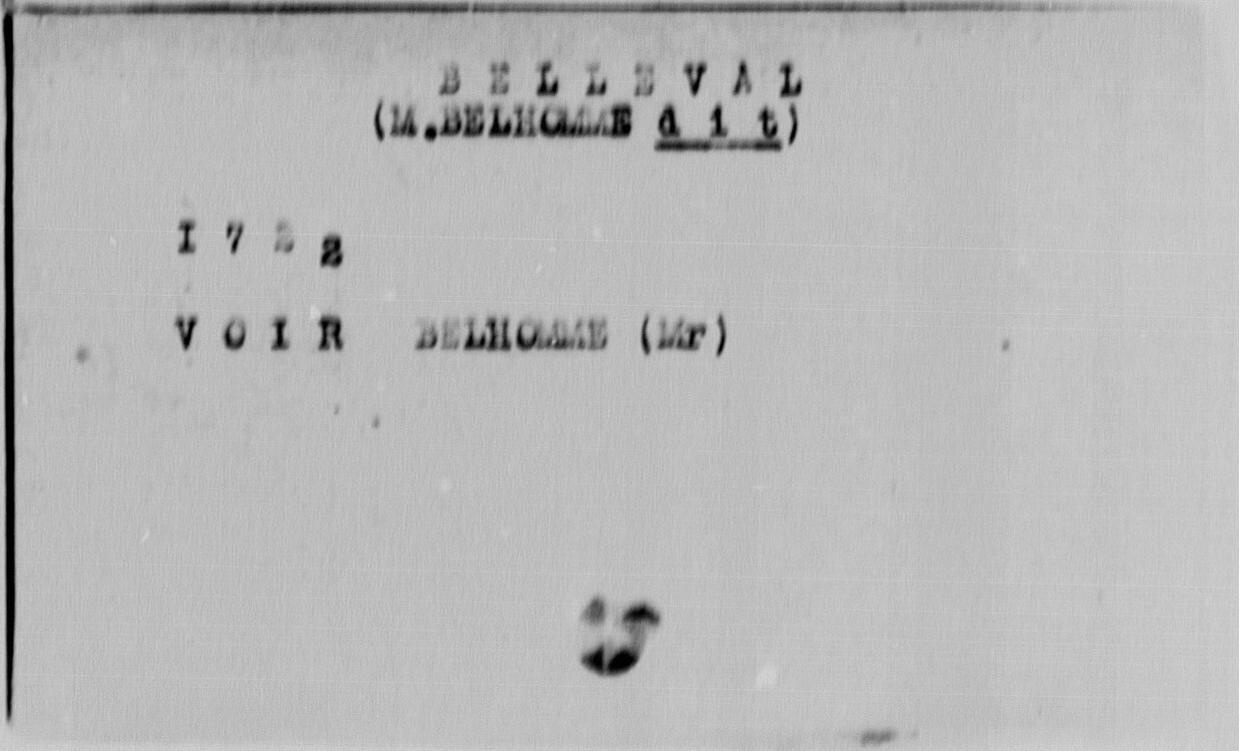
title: BELLEVAL (M. BELHOMME dit)
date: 1722
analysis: voir BELHOMME (Mr)
